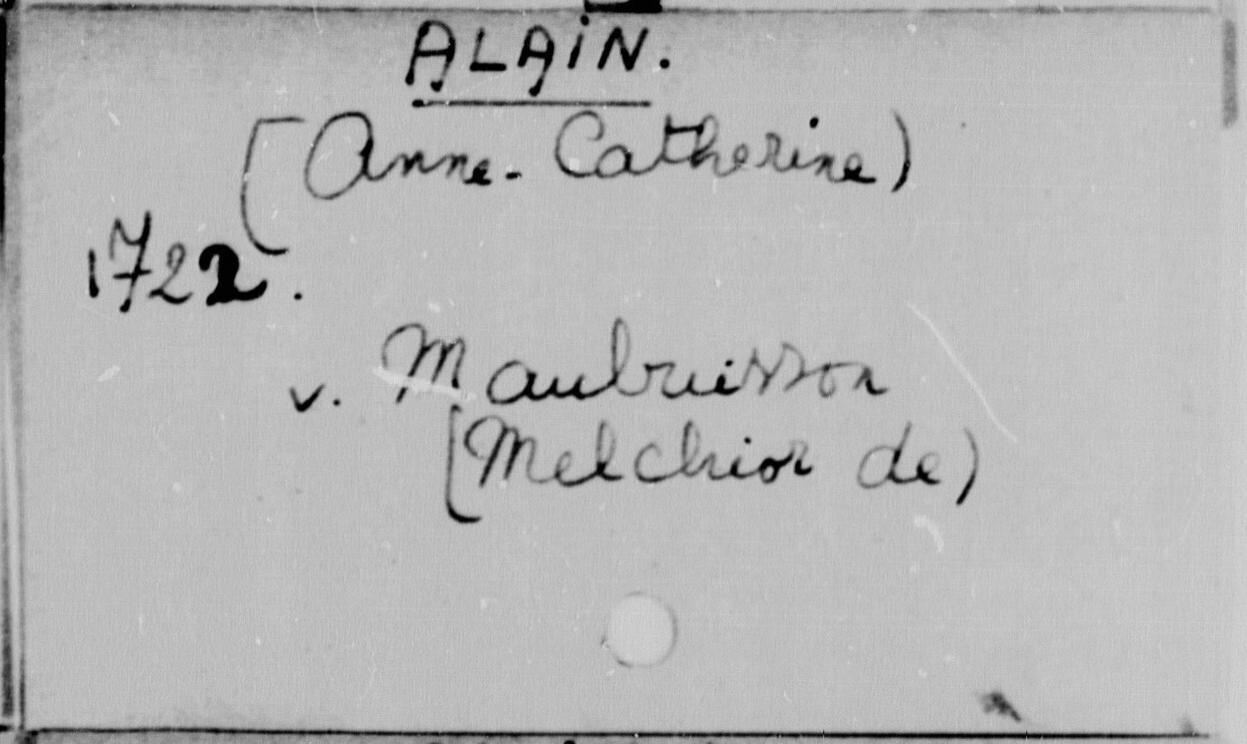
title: ALAIN (Anne-Catherine)
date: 1722
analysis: Voir MAUBUISSON (Melchior de)
